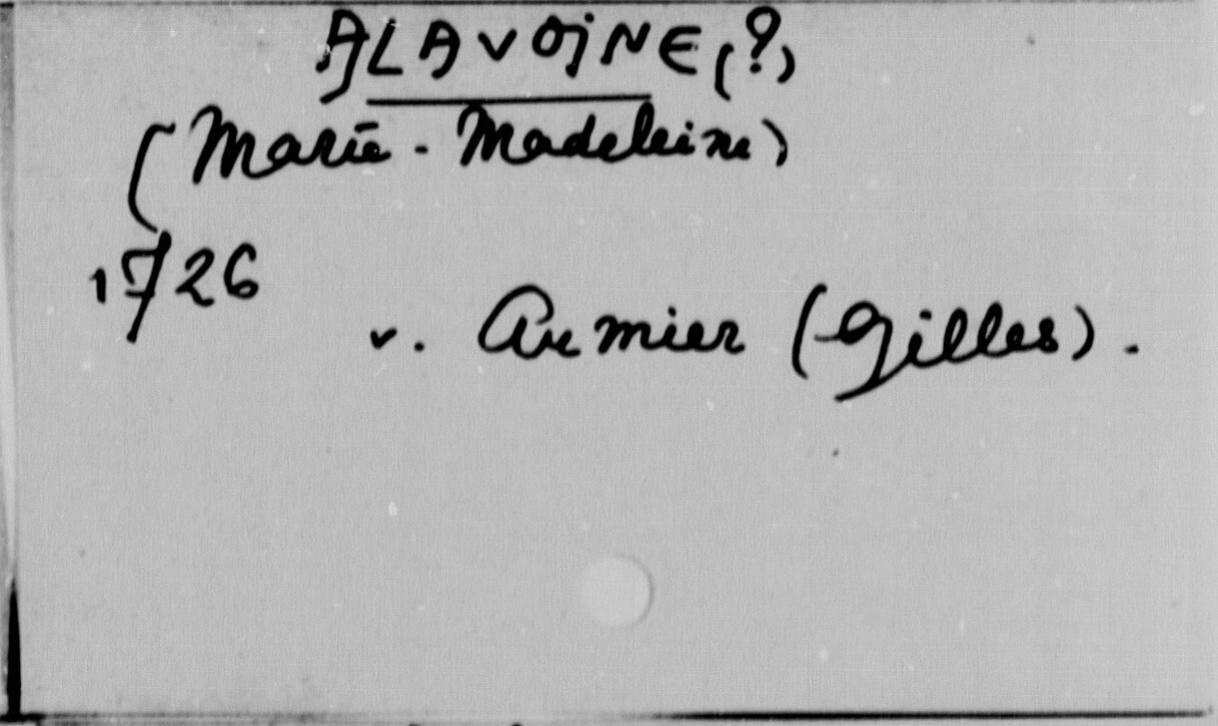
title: ALAVOINE (?) (Marie-Madeleine)
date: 1726
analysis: Voir AUMIER (Gilles)
